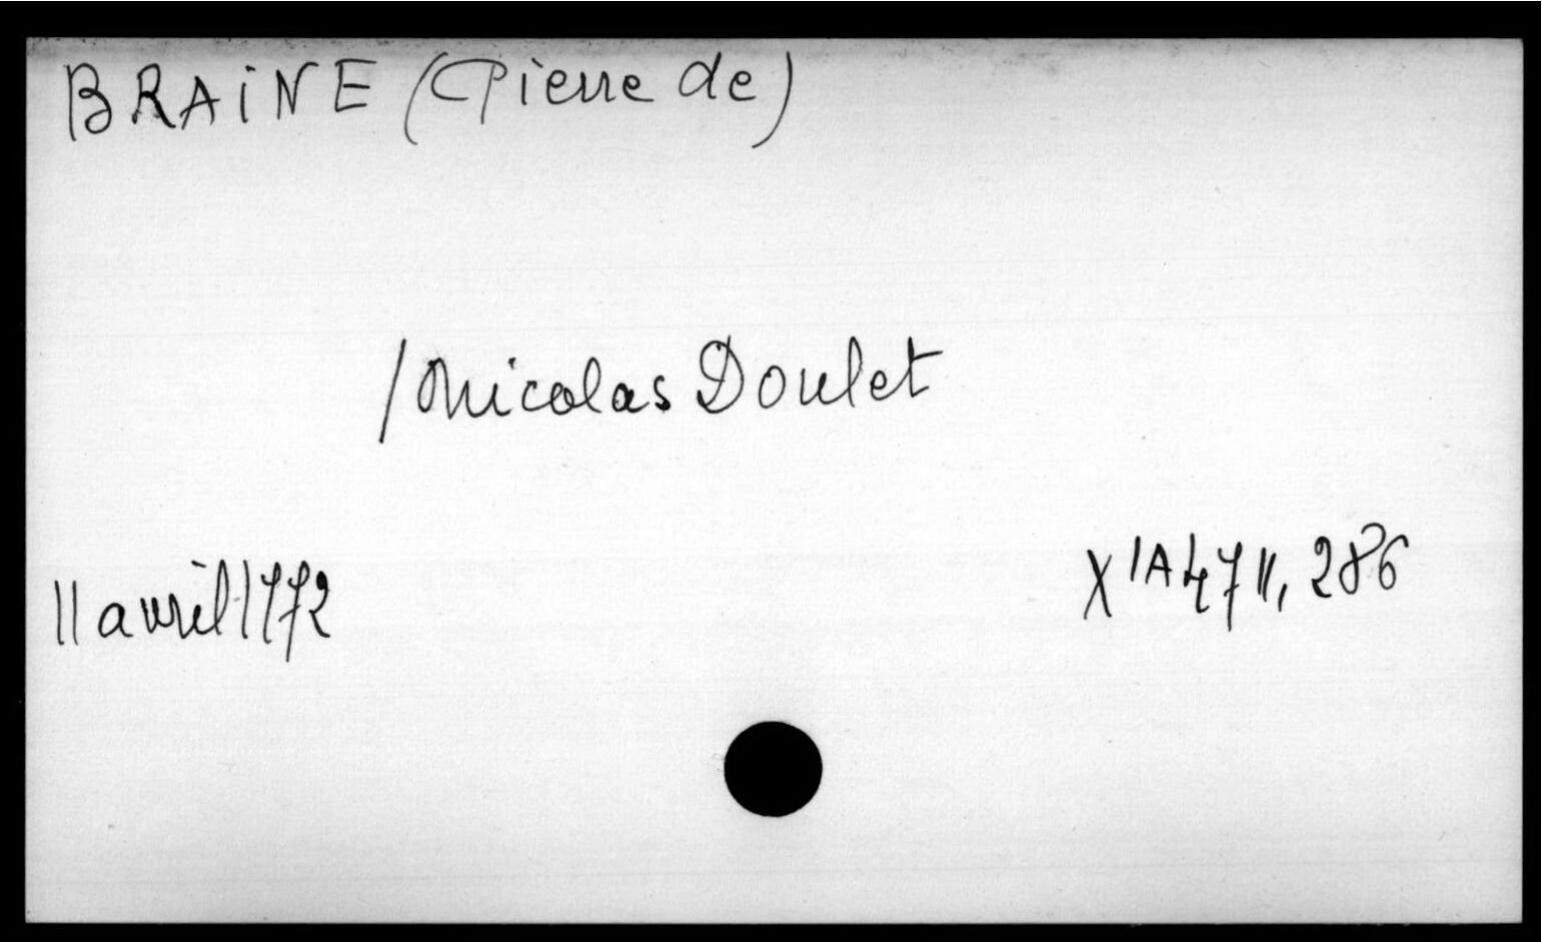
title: BRAINE (Pierre de)
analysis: Contre Nicolas Doulet
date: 11 avril 1772
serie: X1A
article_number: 4711
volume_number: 286
